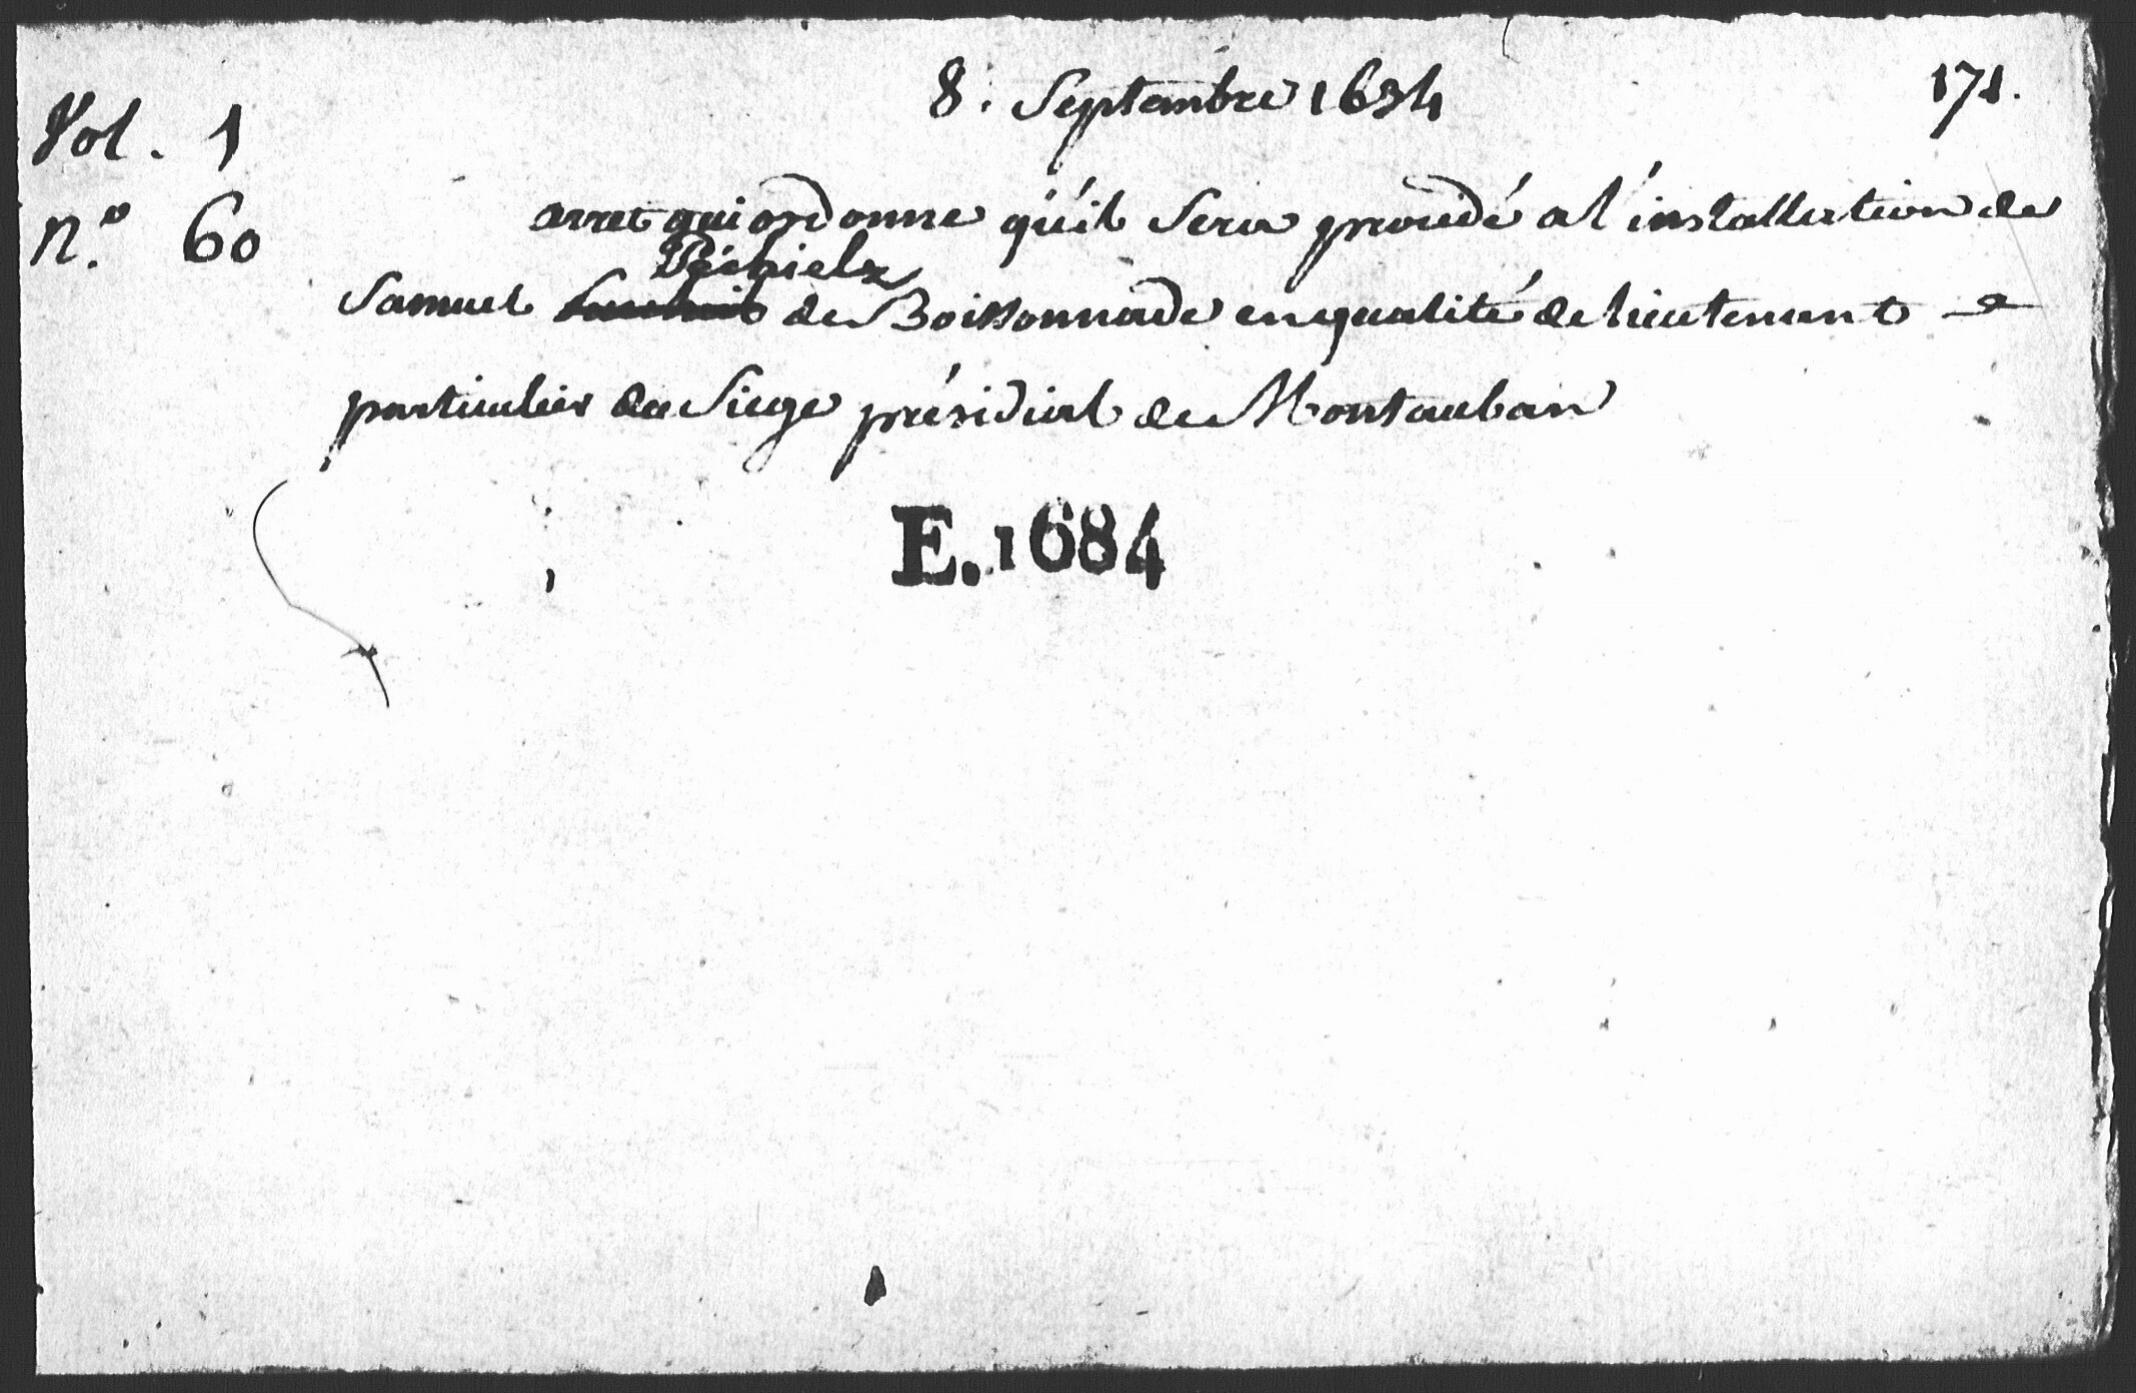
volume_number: n°60
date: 8 septembre 1634
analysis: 171
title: Arrêt qui ordonne qu’il sera procedé a l’installation de Samuel Péchielz de Boissonnade en qualité de lieutenant particulier du siege présidial de Montauban
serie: E
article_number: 1684
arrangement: vol. 1
